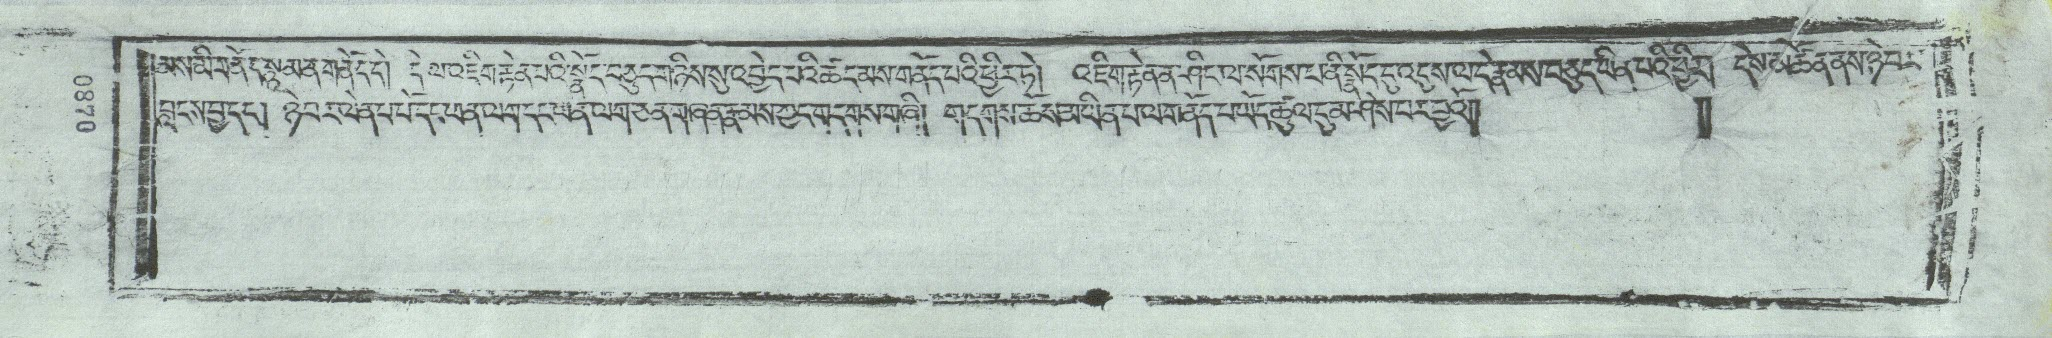མས་མི་གནོད་སྙམ་ན་གནོད་དེ། དེ་ལ་འཇིག་རྟེན་པའི་སྣོད་བཅུད་གཉིས་སུ་འབྱེད་པའི་ཚད་མས་གནོད་པའི་ཕྱིར་ཏེ། འཇིག་རྟེན་ན་ཤིང་ལ་སོགས་པ་ནི་སྣོད་དུ་འདུས་ལ་དེ་རྣམས་བཅུད་ཡིན་པའི་ཕྱིར། དེས་མཚོན་ནས་ཉེ་བར་
བླངས་བྱ་དང་། ཉེ་བར་ལེན་པ་པོ་དང་ཡན་ལག་དང་ཡན་ལག་ཅན་གཞན་རྣམས་ཀྱང་གདགས་གཞི། གདགས་ཆོས་མ་ཡིན་པ་ལ་གནོད་པ་ཡོད་ཚུལ་དུ་མ་ཤེས་པར་བྱའོ།། །།